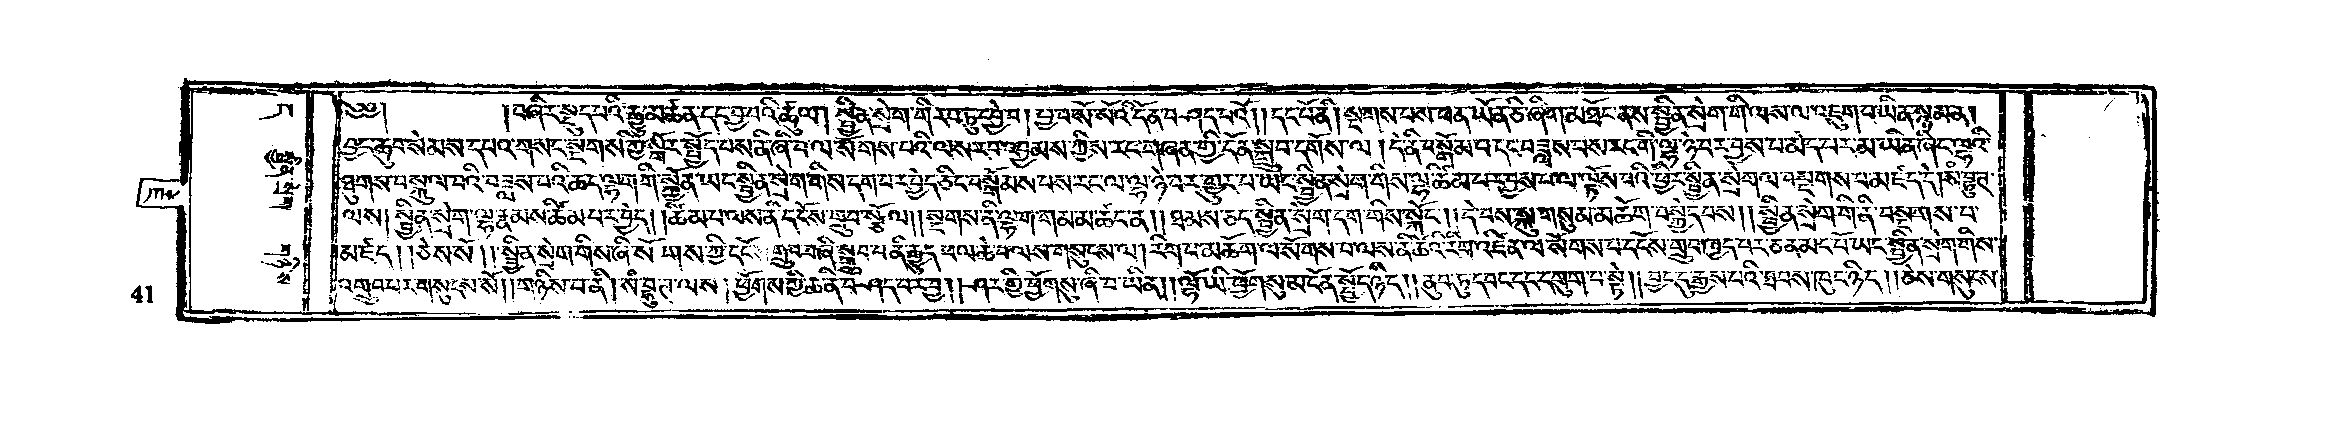༄༅། །བཞིར་སྡུད་པའི་རྒྱུ་མཚན་དང་བྱ་བའི་ཚུལ། སྦྱིན་སྲེག་གི་རབ་ཏུ་དབྱེ་བ། བྱ་བ་སོ་སོའི་དོན་བཤད་པའོ། །དང་པོ་ནི། སྔགས་པས་ཕན་ཡོན་ཅི་ཞིག་མཐོང་ནས་སྦྱིན་སྲེག་གི་ལས་ལ་འཇུག་པ་ཡིན་སྙམ་ན།
བྱང་ཆུབ་སེམས་དཔའ་གསང་སྔགས་ཀྱི་སྒོར་སྤྱོད་པས་ནི་ཞི་བ་ལ་སོགས་པའི་ལས་རབ་འབྱམས་ཀྱིས་རང་གཞན་གྱི་དོན་སྒྲུབ་དགོས་ལ། དེ་ནི་བསྒོམ་པ་དང་བཟླས་པས་རང་གི་ལྷ་ཉེ་བར་བྱས་པ་མེད་པར་མ་ཡིན་ཞིང་ལྷའི་
ཐུགས་བསྐུལ་བའི་བཟླས་པའི་ཆད་ལྷག་གི་སྐྱོན་ཡང་སྦྱིན་སྲེག་གིས་དག་པར་བྱེད་ཅིང་བསྒོམས་པས་རང་ལ་ལྷ་ཉེ་བར་གྱུར་པ་ཡང་སྦྱིན་སྲེག་གིས་ལྷ་ཚིམ་པར་བྱས་པ་ལ་ལྟོས་པའི་ཕྱིར་སྦྱིན་སྲེག་ལ་བསྔགས་པ་མཛད་དེ། སཾ་བྷུ་ཊ་
ལས། སྦྱིན་སྲེག་ལྷ་རྣམས་ཚིམ་པར་བྱེད། །ཚིམ་པ་ལས་ནི་དངོས་གྲུབ་སྩོལ། །སྔགས་ནི་ལྷག་གམ་མ་ཚང་ན། །ཐམས་ཅད་སྦྱིན་སྲེག་དག་གིས་སྐོང་། །དེ་བས་སྐུ་གསུམ་མཆོག་བསྐྱེད་པས། །སྦྱིན་སྲེག་གི་ནི་བསྔགས་པ་
མཛད། །ཅེས་སོ། །སྦྱིན་སྲེག་གིས་ཞི་སོགས་ཀྱི་དངོས་གྲུབ་བཞི་སྒྲུབ་པ་ནི་རྒྱུད་ཕལ་ཆེ་བ་ལས་གསུངས་ལ། རིག་པ་མཆོག་ལ་སོགས་པ་ལས་ནི་ཚེའི་རིག་འཛིན་ལ་སོགས་པ་དངོས་གྲུབ་ཁྱད་པར་ཅན་མང་པོ་ཡང་སྦྱིན་སྲེག་གིས་
འགྲུབ་པར་གསུངས་སོ། །གཉིས་པ་ནི། སཾ་བྷུ་ཊ་ལས། ཕྱོགས་ཀྱི་ཆ་ནི་བཤད་པར་བྱ། །ཤར་གྱི་ཕྱོགས་སུ་ཞི་བ་ཡིན། །ལྷོ་ཡི་ཕྱོགས་སུ་མངོན་སྤྱོད་ཉིད། །ནུབ་ཏུ་དབང་དང་དགུག་པ་སྟེ། །བྱང་དུ་རྒྱས་པའི་ཐབས་ཁུང་ཉིད། །ཅེས་གསུངས་